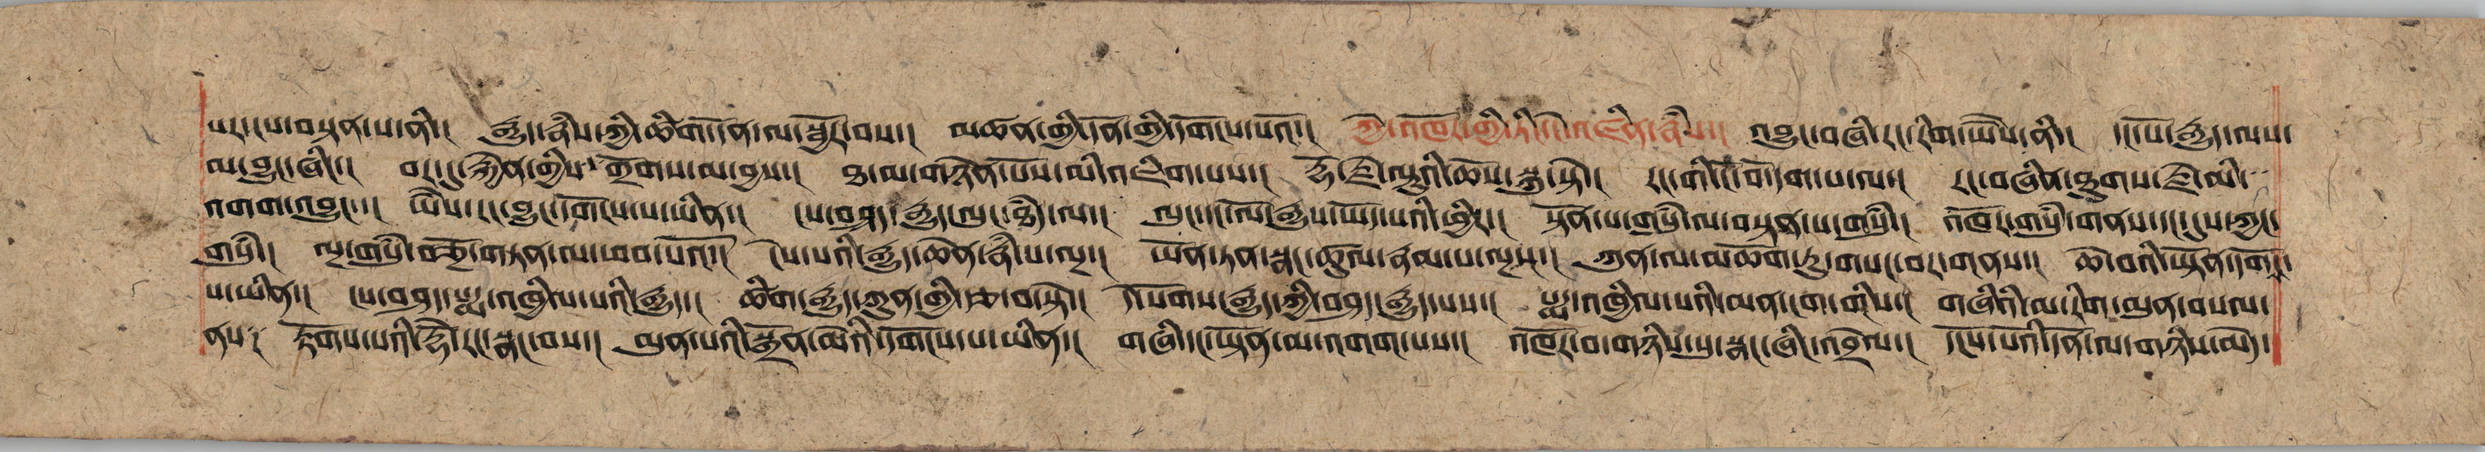པར་ངས་བསྟན་པ་ནི་། རྒྱུད་རྣཾས་ཀྱི་ཚིག་དོན་ལ་སྦྱོར་བས་། མཚན་གྱི་དོན་གྱི་དགོངས་པའོ་། ཀྱེ་འཁོར་གྱི་་ཏིང་འཛིན་རྣཾས་། འབྱུང་བཞི་རང་རིག་ཡཻས་ནི་། དང་པོ་རྒྱུད་ལས་
མ་བྱུང་ཞིང་། བར་དུ་རྐྱེན་གྱིས་གྲོགས་མ་བྱས་། ཐ་མ་གཉེན་པོས་མི་འཇིག་པས་། རྡོ་རྗེ་ལྟུའི་ཆོས་སྐུ་སྟེ་། རང་གི་ངོ་བོ་དག་པ་ལ་། རང་བཞིན་ཐུགས་རྗེ་མི་
འགག་འབྱུང་་། ཡཻས་རང་བྱུང་དགོངས་པ་ཡིན་། ངས་བཤད་རྒྱུད་ལུང་ཐདཾ་ལ་། ལུང་དང་ལོ་རྒྱུས་ཡོད་པའི་ཕྱིར་། སྟོན་པ་གསུཾ་ལ་བསྟན་པ་གསུཾ་། འཁོར་གསུཾ་གནས་དང་དུས་ཀྱང་
གསུཾ་། ལྔ་གསུཾ་བཅྔོ་གཏན་མ་ཕབ་པའོ་། ངེས་པའི་རྒྱུད་ཆེན་རྣཾ་པ་ལྔ་། ཡོན་ཏན་སྣང་ཚུལ་རྣམ་པ་ལྔས་། ཀུན་ལ་མཆོག་ཏུ་གསང་བར་གནས་། ཆེ་བའི་ཡྟོན་དགོང་
པ་ཡིན་། ངས་བཤད་པདྨ་འཁྱིལ་པའི་རྒྱུད་། ཚིག་རྒྱུད་ཀུན་གྱི་རྩ་བ་སྟེ་། དེ་སོགས་རྒྱུད་ཀྱི་བཤད་རྒྱུད་པས་། པདྨ་འཁྱིལ་པའི་མན་ངག་གིས་། གཞིའི་མ་རིག་མུན་བསལ་
ནས༑ རྟོགས་པའི་རྡོེ་རང་སྣང་བས་། མུན་པའི་སྒྲོན་མེའི་དགོངས་པ་ཡིན་། གཞི་དང་ཡྟོན་མ་འགག་པས་། འཁོར་བ་གཉིས་སུ་སྣང་ཞིང་འབྲེལ་། དངོས་པོའི་དོན་ལ་གཉིས་མེད་